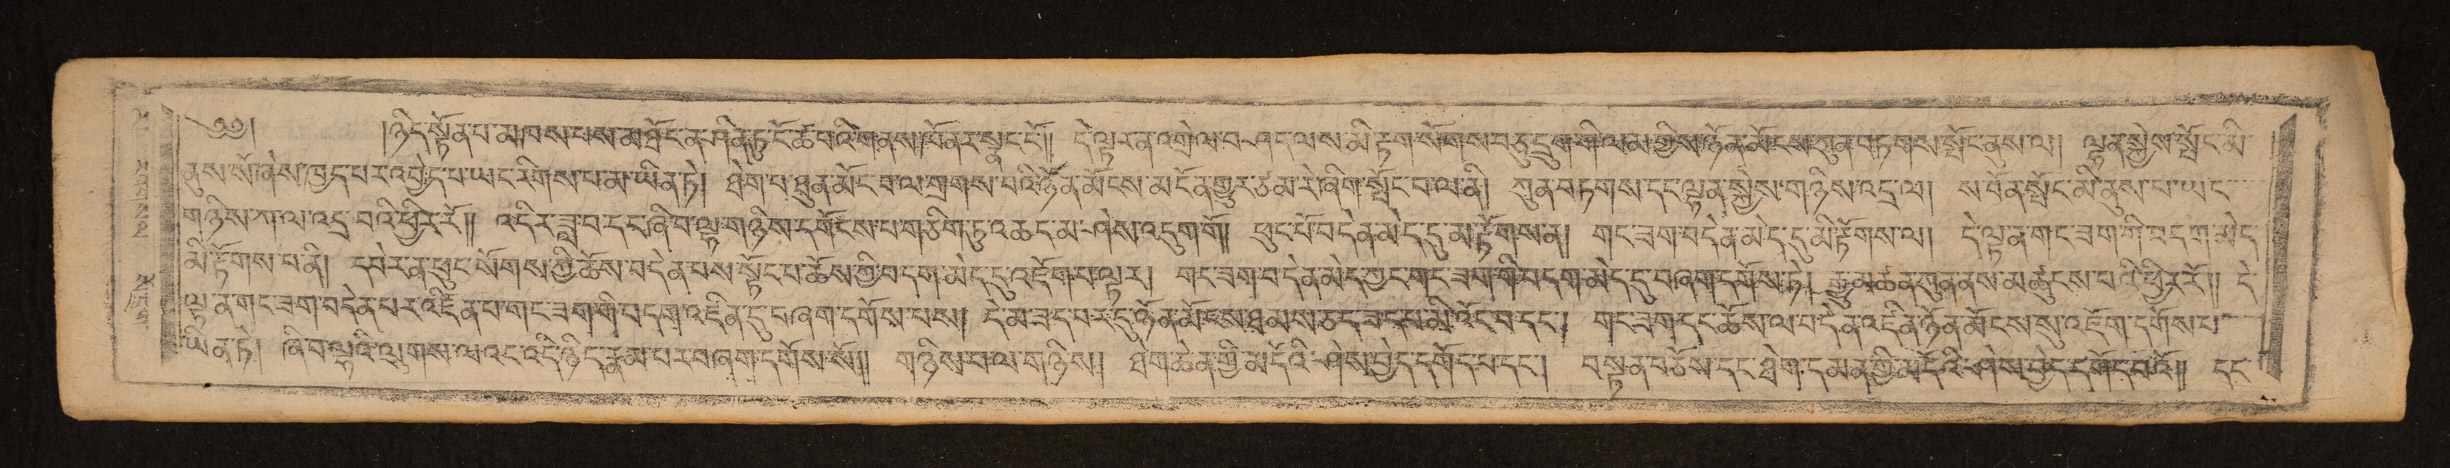༄༅། །ཉིད་སྟོན་པ་མཁས་པས་མཐོང་ན་ཤིན་ཏུ་ངོ་ཚ་བའི་གནས་ཁོ་ནར་སྣང་ངོ།། དེ་ལྟར་ན་འགྲེལ་བཤད་ལས་མི་རྟག་སོགས་བཅུ་དྲུག་གི་ལམ་གྱིས་ཉོན་མོངས་ཀུན་བརྟགས་སྤོང་ནུས་ལ། ལྷན་སྐྱེས་སྤོང་མི་
ནུས་སོ་ཞེས་ཁྱད་པར་འབྱེད་པ་ཡང་རིགས་པ་མ་ཡིན་ཏེ། ཐེག་པ་ཐུན་མོང་བ་ལ་གྲགས་པའི་ཉོན་མོངས་མངོན་གྱུར་ཙམ་རེ་ཞིག་སྤོང་བ་ལ་ནི། ཀུན་བརྟགས་དང་ལྷན་སྐྱེས་གཉིས་འདྲ་ལ། ས་བོན་སྤོང་མི་ནུས་པ་ལ་
གཉིས་ཀ་ལ་འདྲ་བའི་ཕྱིར་རོ།། འདིར་ཟླ་བ་དང་ཞི་བ་ལྷ་གཉིས་དགོངས་པ་གཅིག་ཏུ་འཆད་མ་ཤེས་འདུག་གོ། ཕུང་པོ་བདེན་མེད་དུ་མ་རྟོགས་ན། གང་ཟག་བདེན་མེད་དུ་མི་རྟོགས་ལ། དེ་ལྟ་ན་གང་ཟག་གི་བདག་མེད་
མི་རྟོགས་པ་ནི། དཔེར་ན་ཕུང་སོགས་ཀྱི་ཆོས་བདེན་པས་སྟོང་པ་ཆོས་ཀྱི་བདག་མེད་དུ་འཇོག་པ་ལྟར། གང་ཟག་བདེན་མེད་ཀྱང་གང་ཟག་གི་བདག་མེད་དུ་གཞག་དགོས་ཏེ། རྒྱུ་མཚན་ཀུན་ནས་མཚུངས་པའི་ཕྱིར་རོ།། དེ་
ལྟ་ན་གང་ཟག་བདེན་པར་འཛིན་པ་གང་ཟག་གི་བདག་འཛིན་དུ་བཞག་དགོས་པས། དེ་མ་ཟད་བར་དུ་ཉོན་མོངས་ཐམས་ཅད་ཟད་པ་མི་འོང་བ་དང་། གང་ཟག་དང་ཆོས་ལ་བདེན་འཛིན་ཉོན་མོངས་སུ་འཇོག་དགོས་པ་
ཡིན་ཏེ། ཞི་བ་ལྷའི་ལུགས་ལའང་འདི་ཉིད་རྣམ་པར་བཞག་དགོས་སོ།། གཉིས་པ་ལ་གཉིས། ཐེག་ཆེན་གྱི་མདོའི་ཤེས་བྱེད་དགོད་པ་དང་། བསྟན་བཅོས་དང་ཐེག་དམན་གྱི། མདོའི་ཤེས་བྱེད་དགོད་པའོ།། དང་